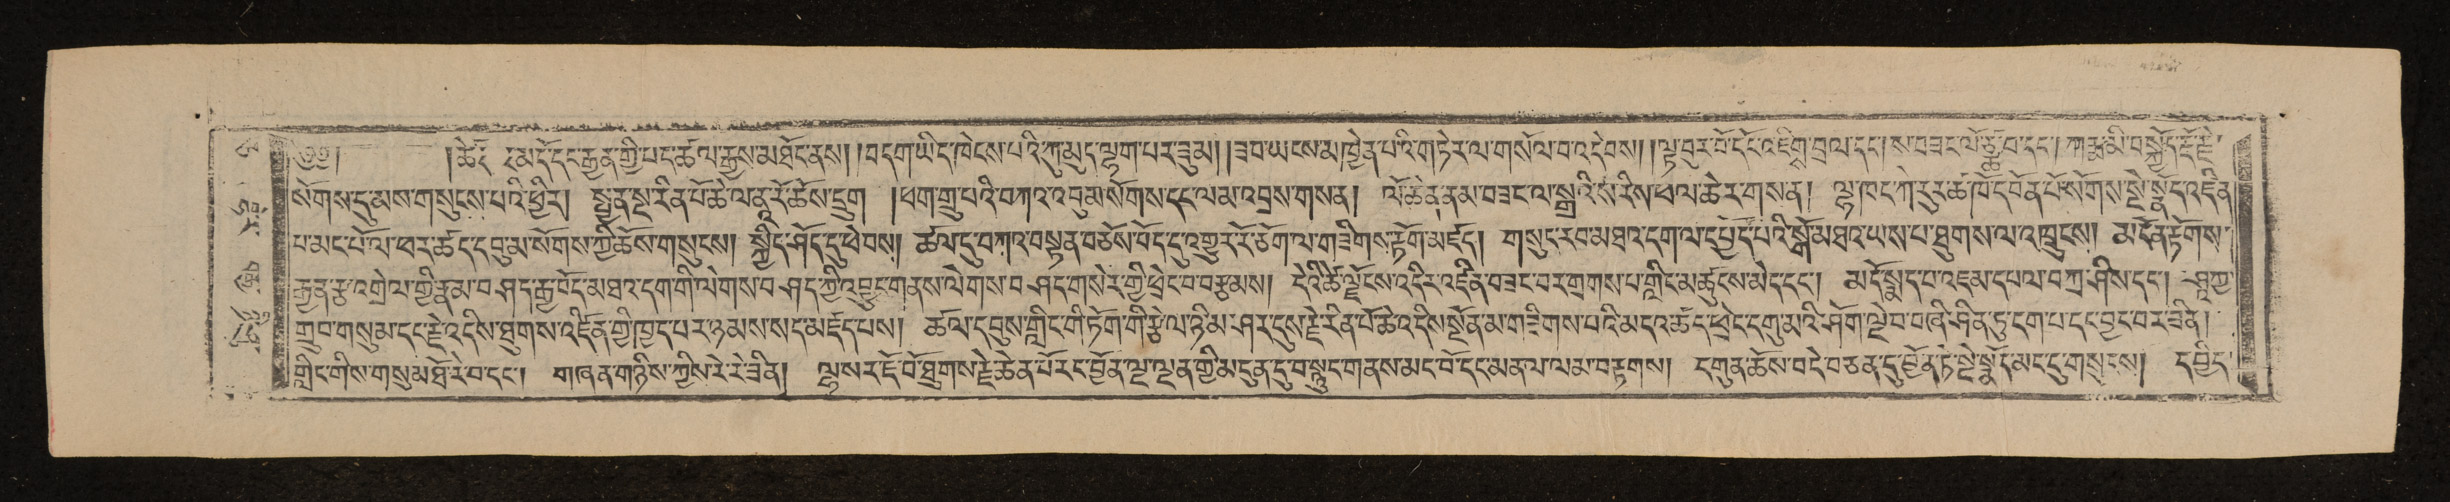༄༅། །ཚེ༑ ༑མདོ་དང་རྒྱན་གྱི་པད་ཚལ་རྒྱས་མཐོང་ནས། །བདག་ཡིད་ཁེངས་པའི་ཀུ་མུད་ལྷག་པར་ཟུམ། །ཟབ་ཡངས་མཁྱེན་པའི་གཏེར་ལ་གསོལ་བ་འདེབས། །ལྟ་བུར་བོ་དོང་འཇིགས་བྲལ་དང་། ས་བཟང་ལོཙྪ་བ་དང་། ཀརྨ་མི་བསྐྱོད་རྡོ་རྗེ་
སོགས་དུ་མས་གསུངས་པའི་ཕྱིར། སྤྱན་སྔ་རིན་པོ་ཆེ་ལ་ན་རོ་ཆོས་དྲུག །ཕག་གྲུ་པའི་བཀའ་འབུམ་སོགས་དང་ལམ་འབྲས་གསན། ལོ་ཆེན་ནམ་བཟང་ལ་སྒྲའི་ས་རིས་ཕལ་ཆེར་གསན། ལྷ་ཁང་ཀེ་རུར་ཚ་ཁོ་དཔོན་པོ་སོགས་སྡེ་སྣོད་འཛིན་
པ་མང་བོ་ལ་ཕར་ཚད་དབུ་མ་སོགས་ཀྱི་ཆོས་གསུངས། སྐྱིད་ཤོད་དུ་ཕེབས། ཚལ་དུ་བཀའ་བསྟན་བཅོས་བོད་དུ་འགྱུར་རོ་ཅོག་ལ་གཟིགས་རྟོག་མཛད། གསུང་རབ་མཐའ་དག་ལ་དཔྱོད་པའི་སྒོ་མཐའ་ཡས་པ་ཐུགས་ལ་འཁྲུངས། མངོན་རྟོགས་
རྒྱན་རྩ་འགྲེལ་གྱི་རྣམ་བཤད་རྒྱ་བོད་མཐའ་དག་གི་ལེགས་བཤད་ཀྱི་འབྱུང་གནས་ལེགས་བཤད་གསེར་གྱི་ཕྲེང་བ་བརྩམས། དེའི་ཚེ་ལྗོངས་འདིར་འཛིན་བཟང་བར་གྲགས་པ་གླིང་མཚུངས་མེད་དང་། མདོ་སྨད་པ་འཇམ་དཔལ་བཀྲ་ཤིས་དང་། ཤཱཀྱ་
གྲུབ་གསུམ་དང་རྗེ་འདིས་ཐུགས་འཛིན་གྱི་ཁྱད་པར་ཉམས་སད་མཛད་པས། ཚལ་དབུས་གླིང་གི་ཏོག་གི་རྩེ་ལ་ཉི་མ་ཤར་དུས་རྗེ་རིན་པོ་ཆེ་འདིས་སྔོན་མ་གཟིགས་པའི་མདའ་ཚད་ཕྲེང་དགུ་མའི་ཤོག་ལྡེ་བ་བཞི་ཤིན་ཏུ་དག་པ་དང་བྱང་བར་ཟིན།
གླིང་གིས་གསུམ་ཐོ་རེ་བ་དང་། གཞན་གཉིས་ཀྱིས་རེ་རེ་ཟིན། ལྷ་སར་ཇོ་བོ་ཐུགས་རྗེ་ཆེན་པོ་རང་བྱོན་ལྔ་ལྡན་གྱི་མདུན་དུ་བསྙུང་གནས་མང་པོ་དང་མནལ་ལམ་བརྟགས། དགུན་ཆོས་བདེ་བ་ཅན་དུ་བྱོན་ཏེ་སྡེ་སྨོད་མང་དུ་གསུངས། དཔྱིད་